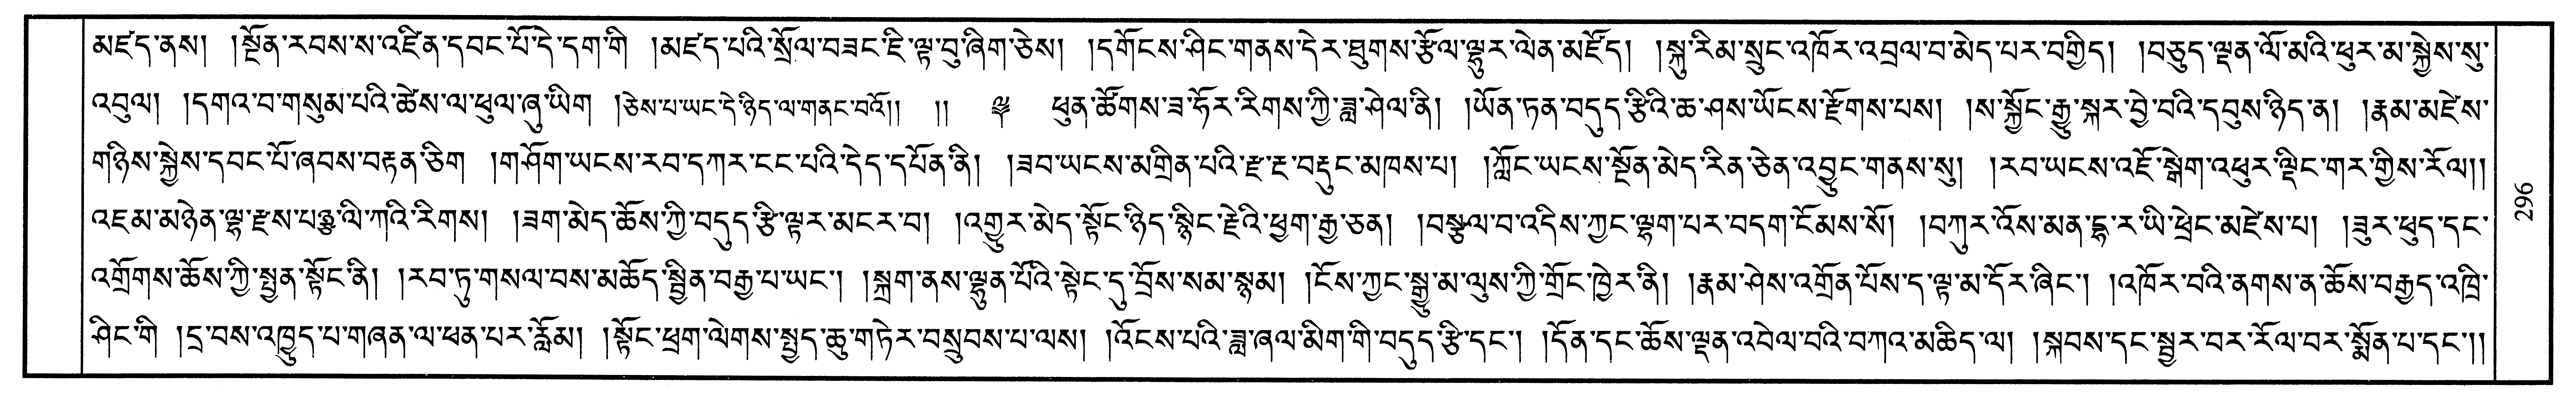མཛད་ནས། །སྔོན་རབས་ས་འཛིན་དབང་པོ་དེ་དག་གི །མཛད་པའི་སྲོལ་བཟང་ཇི་ལྟ་བུ་ཞིག་ཅེས། །དགོངས་ཤིང་གནས་དེར་ཐུགས་རྩོལ་ལྷུར་ལེན་མཛོད། །སྐུ་རིམ་སྲུང་འཁོར་འབྲལ་བ་མེད་པར་བགྱིད། །བཅུད་ལྡན་ལོ་མའི་ཕུར་མ་སྐྱེས་སུ་
འབུལ། །དགའ་བ་གསུམ་པའི་ཚེས་ལ་ཕུལ་ཞུ་ཡིག །ཅེས་པ་ཡང་དེ་ཉིད་ལ་གནང་བའོ།། །། ༈ ཕུན་ཚོགས་ཟ་ཧོར་རིགས་ཀྱི་ཟླ་ཤེལ་ནི། །ཡོན་ཏན་བདུད་རྩིའི་ཆ་ཤས་ཡོངས་རྫོགས་པས། །ས་སྐྱོང་རྒྱུ་སྐར་བྱེ་བའི་དབུས་ཉིད་ན། །རྣམ་མཛེས་
གཉིས་སྐྱེས་དབང་པོ་ཞབས་བརྟན་ཅིག །གཤོག་ཡངས་རབ་དཀར་ངང་པའི་དེད་དཔོན་ནི། །ཟབ་ཡངས་མགྲིན་པའི་རྫ་རྔ་བརྡུང་མཁས་པ། །ཀློང་ཡངས་སྔོན་མེད་རིན་ཅེན་འབྱུང་གནས་སུ། །རབ་ཡངས་འཇོ་སྒེག་འཕུར་ལྡིང་གར་གྱིས་རོལ།།
འཇམ་མཉེན་ལྷ་རྫས་པཉྩ་ལི་ཀའི་རིགས། །ཟག་མེད་ཆོས་ཀྱི་བདུད་རྩི་ལྟར་མངར་བ། །འགྱུར་མེད་སྟོང་ཉིད་སྙིང་རྗེའི་ཕྱག་རྒྱ་ཅན། །བསྩལ་བ་འདིས་ཀྱང་ལྷག་པར་བདག་ངོམས་སོ། །བཀུར་འོས་མན་དྷ་ར་ཡི་ཕྲེང་མཛེས་པ། །ཟུར་ཕུད་དང་
འགྲོགས་ཆོས་ཀྱི་སྤྱན་སྟོང་ནི། །རབ་ཏུ་གསལ་བས་མཆོད་སྦྱིན་བརྒྱ་པ་ཡང་། །སྐྲག་ནས་ལྷུན་པོའི་སྟེང་དུ་བྲོས་སམ་སྙམ། །ངོས་ཀྱང་སྒྱུ་མ་ལུས་ཀྱི་གྲོང་ཁྱེར་ནི། །རྣམ་ཤེས་འགྲོན་པོས་ད་ལྟ་མ་དོར་ཞིང་། །འཁོར་བའི་ནགས་ན་ཆོས་བརྒྱད་འཁྲི་
ཤིང་གི །དྲ་བས་འཁྱུད་པ་གཞན་ལ་ཕན་པར་རློམ། །སྟོང་ཕྲག་ལེགས་སྤྱད་ཆུ་གཏེར་བསྲུབས་པ་ལས། །འོངས་པའི་ཟླ་ཞལ་མིག་གི་བདུད་རྩི་དང་། །དོན་དང་ཆོས་ལྡན་འབེལ་བའི་བཀའ་མཆིད་ལ། །སྐབས་དང་སྦྱར་བར་རོལ་བར་སྨོན་པ་དང།།